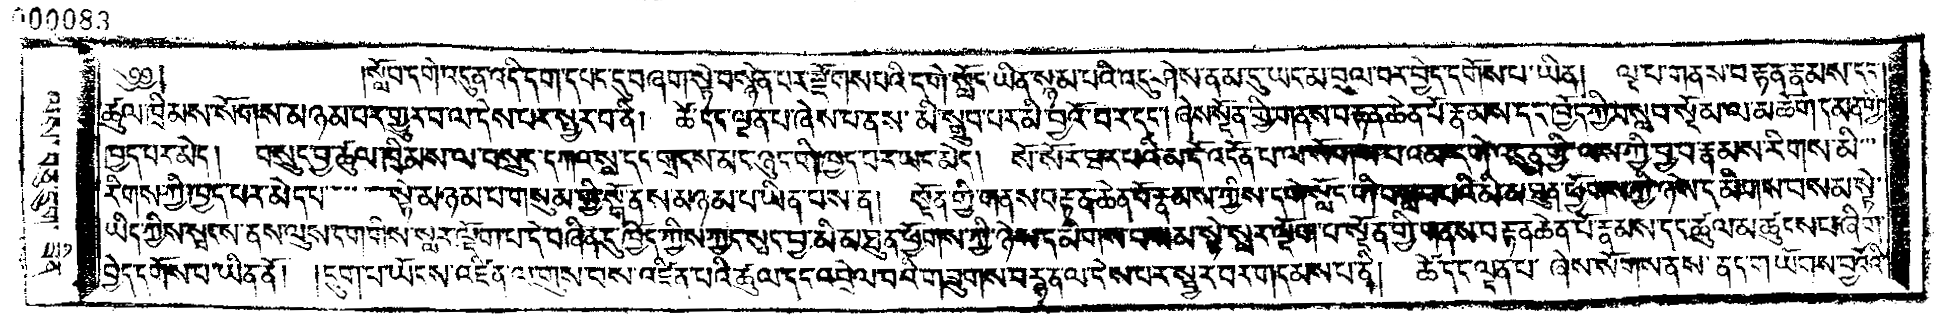༄༅། །སློབ་དགེ་འདུན་འདི་དག་དབང་དུ་བཞག་སྟེ་བསྙེན་པར་རྫོགས་པའི་དགེ་སློང་ཡིན་སྙམ་པའི་འདུ་ཤེས་ནམ་དུ་ཡང་མ་བྲལ་བར་བྱེད་དགོས་པ་ཡིན། ལྔ་པ་གནས་བརྟན་རྣམས་དང་
ཚུལ་ཁྲིམས་སོགས་མཉམ་པར་གྱུར་བ་ལ་དེས་པར་སྦྱར་བ་ནི། ཚེ་དང་ལྡན་པ་ཞེས་པ་ནས་མི་སྒྲུབ་པར་མི་བྱའོ་བར་དང་། ཞེས་སྔོན་གྱི་གནས་བརྟན་ཆེན་པོ་རྣམས་དང་ཁྱོད་ཀྱི་བསླབ་སྡོམ་ལ་མཆོག་དམན་གྱི་
ཁྱད་པར་མེད། བསྲུང་བྱ་ཚུལ་ཁྲིམས་ལ་བསྲུང་དཀའ་སླ་དང་གྲངས་མང་ཉུང་གི་ཁྱད་པར་ཡང་མེད། སོ་སོར་ཐར་པའི་མདོ་འདོན་པ་ལ་སོགས་པ་འམ་དགེ་འདུན་གྱི་ལས་ཀྱི་བྱ་བ་རྣམས་རིགས་མི་
རིགས་ཀྱི་ཁྱད་པར་མེད་པ་སྟེ་མཉམ་པ་གསུམ་གྱི་སྒོ་ནས་མཉམ་པ་ཡིན་པས་ན། སྔོན་གྱི་གནས་བརྟན་ཆེན་པོ་རྣམས་ཀྱིས་དགེ་སློང་གི་བསླབ་པའི་མི་མཐུན་ཕྱོགས་ཀྱི་ཉེས་དམིགས་བསམ་སྟེ་
ཡིད་ཀྱིས་སྤངས་ནས་ལུས་ངག་གིས་སླར་ལྡོག་པ་དེ་བཞིན་དུ་ཁྱོད་ཀྱིས་ཀྱང་སྤང་བྱ་མི་མཐུན་ཕྱོགས་ཀྱི་ཉེས་དམིགས་བསམ་སྟེ་སླར་ལྡོག་པ་སྔོན་གྱི་གནས་བརྟན་ཆེན་པོ་རྣམས་དང་ཚུལ་མཚུངས་པ་ཞིག་
བྱེད་དགོས་པ་ཡིན་ནོ། །དྲུག་པ་ཡོངས་འཛིན་ལ་གུས་བས་འཛིན་པའི་ཚུལ་དང་འབྲེལ་བའི་གཟུགས་བརྙན་ལ་ངེས་པར་སྦྱར་བར་གདམས་པ་ནི། ཚེ་དང་ལྡན་པ་ཞེས་སོགས་ནས་ནད་གཡོགས་བྱའོའི་